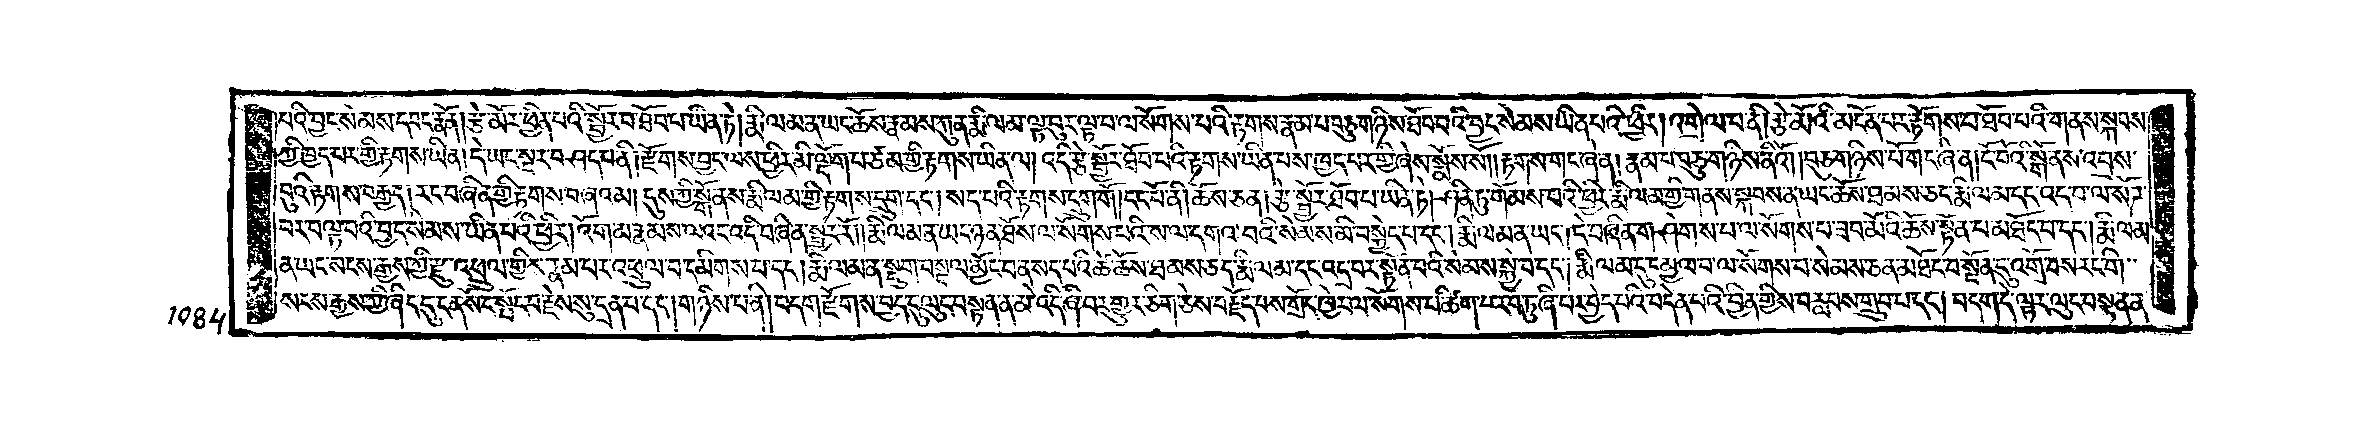པའི་བྱང་སེམས་དབང་རྣོན། རྩེ་མོར་ཕྱིན་པའི་སྦྱོར་བ་ཐོབ་པ་ཡིན་ཏེ། རྨི་ལམ་ན་ཡང་ཆོས་རྣམས་ཀུན་རྨི་ལམ་ལྟ་བུར་ལྟ་བ་ལ་སོགས་པའི་རྟགས་རྣམ་པ་བཅུ་གཉིས་ཐོབ་པའི་བྱང་སེམས་ཡིན་པའི་ཕྱིར། འགྲེལ་པ་ནི། རྩེ་མོའི་མངོན་པར་རྟོགས་པ་ཐོབ་པའི་གནས་སྐབས་
ཀྱི་ཁྱད་པར་གྱི་རྟགས་ཡིན། དེ་ཡང་སྔར་བཤད་པ་ནི། རྫོགས་བྱང་ལས་ཕྱིར་མི་ལྡོག་པ་ཙམ་གྱི་རྟགས་ཡིན་ལ། འདི་རྩེ་སྦྱོར་ཐོབ་པའི་རྟགས་ཡིན་པས་ཁྱད་པར་གྱི་ཞེས་སྨོས་སོ། །རྟགས་གང་ཞེ་ན། རྣམ་པ་བཅུ་གཉིས་ནིའོ། །བཅུ་གཉིས་པོ་གང་ཞེ་ན། ངོ་བོའི་སྒོ་ནས་འབྲས་
བུའི་རྟགས་བརྒྱད། རང་བཞིན་གྱི་རྟགས་བཞིའམ། དུས་ཀྱི་སྒོ་ནས་རྨི་ལམ་གྱི་རྟགས་དྲུག་དང་། སད་པའི་རྟགས་དྲུག་གོ །དང་པོ་ནི། ཆོས་ཅན། རྩེ་སྦྱོར་ཐོབ་པ་ཡིན་ཏེ། ཤིན་ཏུ་གོམས་པའི་ཕྱིར་རྨི་ལམ་གྱི་གནས་སྐབས་ན་ཡང་ཆོས་ཐམས་ཅད་རྨི་ལམ་དང་འདྲ་བ་ལ་སོགས་
བར་བལྟ་བའི་བྱང་སེམས་ཡིན་པའི་ཕྱིར། འོག་མ་རྣམས་ལའང་འདི་བཞིན་སྦྱར་རོ། །རྨི་ལམ་ན་ཡང་ཉན་ཐོས་ལ་སོགས་པའི་ས་ལ་དགའ་བའི་སེམས་མི་བསྐྱེད་པ་དང་། རྨི་ལམ་ན་ཡང་། དེ་བཞིན་གཤེགས་པ་ལ་སོགས་པ་ཟབ་མོའི་ཆོས་སྟོན་པ་མཐོང་བ་དང་། རྨི་ལམ་
ན་ཡང་སངས་རྒྱས་ཀྱི་རྫུ་འཕྲུལ་གྱིས་རྣམ་པར་འཕྲུལ་བ་དམིགས་པ་དང་། རྨི་ལམ་ན་སྡུག་བསྔལ་མྱོང་བ་ན་སད་པའི་ཚེ་ཆོས་ཐམས་ཅད་རྨི་ལམ་དང་འདྲ་བར་སྟོན་པའི་སེམས་སྐྱེ་བ་དང་། རྨི་ལམ་དུ་དམྱལ་བ་ལ་སོགས་པ་སེམས་ཅན་མཐོང་བ་སྔོན་དུ་འགྲོ་བས་རང་གི་
སངས་རྒྱས་ཀྱི་ཞིང་དུ་ངན་སོང་སྤོང་བ་རྗེས་སུ་དྲན་པ་དང་། གཉིས་པ་ནི། བདག་རྫོགས་བྱང་དུ་ལུང་བསྟན་ན་མེ་འདི་ཞི་བར་གྱུར་ཅིག་ཅེས་བརྗོད་པས་གྲོང་ཁྱེར་ལ་སོགས་པ་ཚིག་པ་རབ་ཏུ་ཞི་བར་བྱེད་པའི་བདེན་པའི་བྱིན་གྱིས་བརླབས་གྲུབ་པ་དང་། བདག་དེ་ལྟར་ལུང་བསྟན་ན་